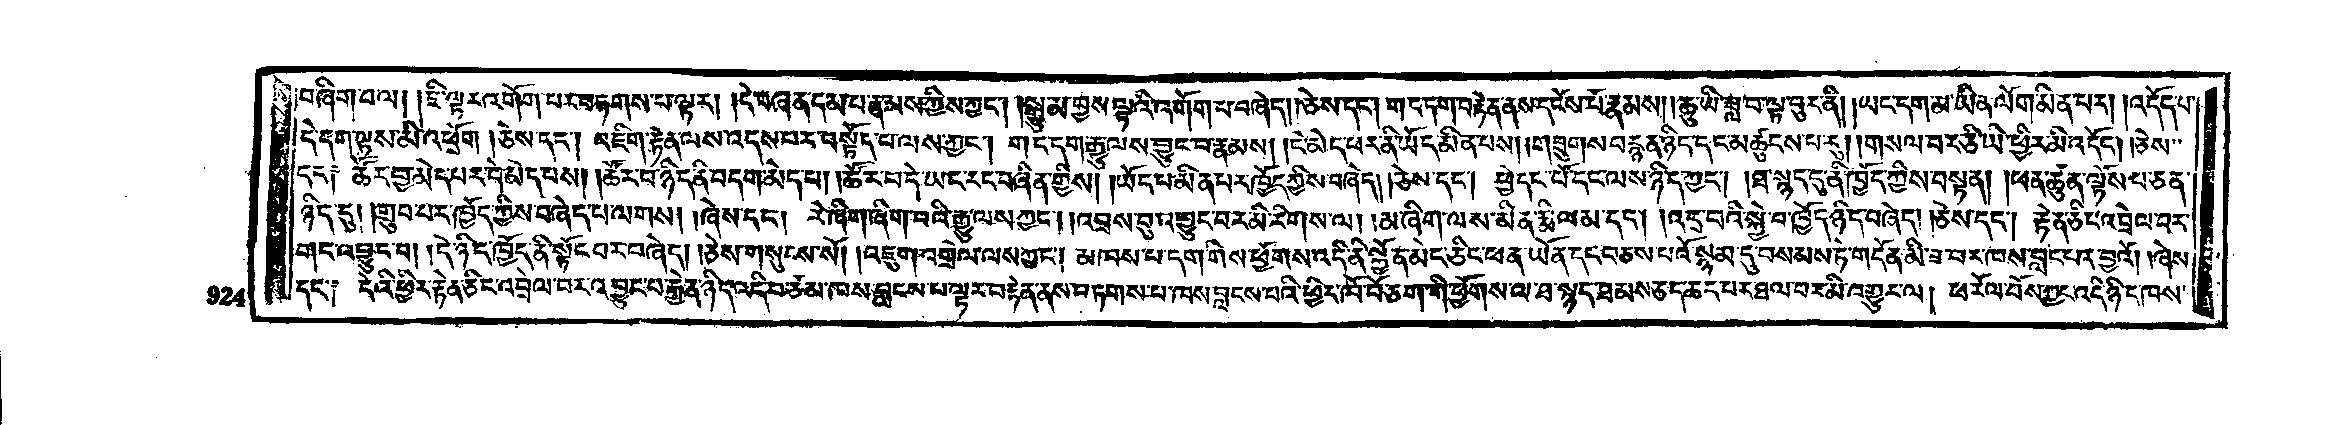བ་ཞིག་པ་ལ། །ཇི་ལྟར་འགོག་པར་བཏགས་པ་ལྟར། །དེ་བཞིན་དམ་པ་རྣམས་ཀྱིས་ཀྱང་། །སྒྱུ་མ་བྱས་ལྟའི་འགོག་པ་བཞེད། །ཅེས་དང་། གང་དག་བརྟེན་ནས་དངོས་པོ་རྣམས། །ཆུ་ཡི་ཟླ་བ་ལྟ་བུར་ནི། །ཡང་དག་མ་ཡིན་ལོག་མིན་པར། །འདོད་པ་
དེ་དག་ལྟས་མི་འཕྲོག །ཅེས་དང་། འཇིག་རྟེན་ལས་འདས་པར་བསྟོད་པ་ལས་ཀྱང་། གང་དག་རྒྱུ་ལས་བྱུང་བ་རྣམས། །དེ་མེད་པར་ནི་ཡོད་མིན་པས། །གཟུགས་བརྙན་ཉིད་དང་མཚུངས་པ་རུ། །གསལ་བར་ཅི་ཡི་ཕྱིར་མི་འདོད། །ཅེས་
དང༑ ཚོར་བྱ་མེད་པར་དེ་མེད་པས། །ཚོར་བ་ཉིད་ནི་བདག་མེད་པ། །ཚོར་བ་དེ་ཡང་རང་བཞིན་གྱིས། །ཡོད་པ་མིན་པར་ཁྱོད་ཀྱིས་བཞེད། །ཅེས་དང་། བྱེད་པ་པོ་དང་ལས་ཉིད་ཀྱང་། །ཐ་སྙད་དུ་ནི་ཁྱོད་ཀྱིས་བསྟན། །ཕན་ཚུན་ལྟོས་པ་ཅན་
ཉིད་དུ། །གྲུབ་པར་ཁྱོད་ཀྱིས་བཞེད་པ་ལགས། །ཞེས་དང་། རེ་ཞིག་ཞིག་པའི་རྒྱུ་ལས་ཀྱང་། །འབྲས་བུ་འབྱུང་བར་མི་རིགས་ལ། །མ་ཞིག་ལས་མིན་རྨི་ལམ་དང་། །འདྲ་བའི་སྐྱེ་བ་ཁྱོད་ཉིད་བཞེད། །ཅེས་དང་། རྟེན་ཅིང་འབྲེལ་པར་
གང་འབྱུང་བ། །དེ་ཉིད་ཁྱོད་ནི་སྟོང་པར་བཞེད། །ཅེས་གསུངས་སོ། །འཇུག་འགྲེལ་ལས་ཀྱང་། མཁས་པ་དག་གིས་ཕྱོགས་འདི་ནི་སྐྱོན་མེད་ཅིང་ཕན་ཡོན་དང་བཅས་པའོ་སྙམ་དུ་བསམས་ཏེ་གདོན་མི་ཟ་བར་ཁས་བླང་བར་བྱའོ། །ཞེས་
དང༑ དེའི་ཕྱིར་རྟེན་ཅིང་འབྲེལ་པར་འབྱུང་བ་རྐྱེན་ཉིད་འདི་པ་ཙམ་ཁས་བླངས་པ་ལྟར་བརྟེན་ནས་བཏགས་པ་ཁས་བླངས་པའི་ཕྱིར་ཁོ་བོ་ཅག་གི་ཕྱོགས་ལ་ཐ་སྙད་ཐམས་ཅད་ཆད་པར་ཐལ་བར་མི་འགྱུར་ལ། ཕ་རོལ་པོས་ཀྱང་འདི་ཉིད་ཁས་